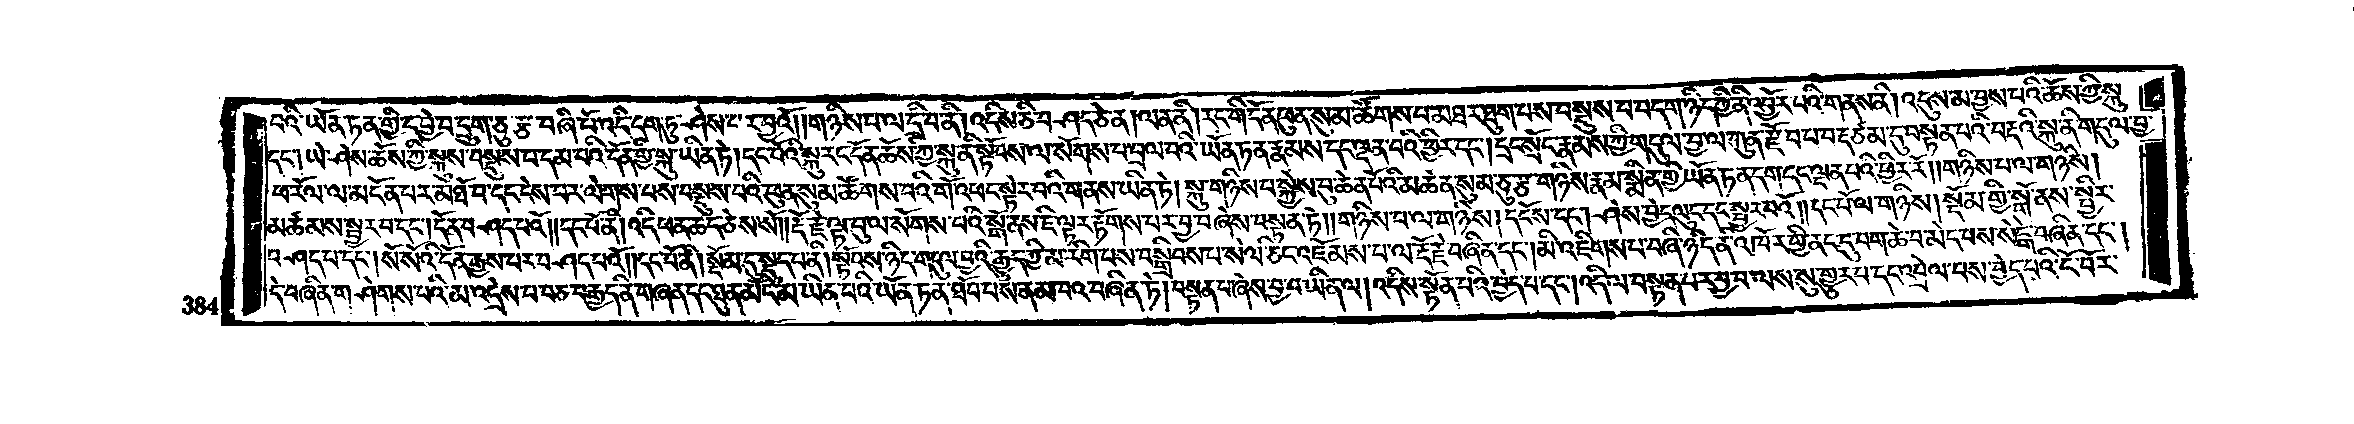པའི་ཡོན་ཏན་གྱི་དབྱེ་བ་དྲུག་ཅུ་རྩ་བཞི་པོ་འདི་དག་ཏུ་ཤེས་པར་བྱའོ། །གཉིས་པ་ལ་དྲི་བ་ནི། འདིས་ཅི་བཤད་ཅེ་ན། ལན་ནི། རང་གི་དོན་ཕུན་སུམ་ཚོགས་པ་མཐར་ཐུག་པས་བསྡུས་པ་བདག་ཉིད་ཀྱི་ནི་འབྱོར་པའི་གནས་ནི། འདུས་མ་བྱས་པའི་ཆོས་ཀྱི་སྐུ་
དང༑ ཡེ་ཤེས་ཆོས་ཀྱི་སྐུས་བསྡུས་པ་དམ་པའི་དོན་གྱི་སྐུ་ཡིན་ཏེ། དང་པོའི་སྐུ་རང་དོན་ཆོས་ཀྱི་སྐུ་ནི་སྟོབས་ལ་སོགས་པ་བྲལ་བའི་ཡོན་ཏན་རྣམས་དང་ལྡན་པའི་ཕྱིར་དང་། དྲང་སྲོང་རྣམས་ཀྱི་གདུལ་བྱ་ལ་ཀུན་རྫོབ་པ་བརྡ་ཙམ་དུ་བསྟན་པའི་བརྡའི་སྐུ་ནི་གདུལ་བྱ་
ཕ་རོལ་ལ་མངོན་པར་མཐོ་བ་དང་ངེས་པས་ལེགས་པར་བསྡུས་པའི་ཕུན་སུམ་ཚོགས་པའི་གོ་འཕང་སྟེར་པའི་གནས་ཡིན་ཏེ། སྐུ་གཉིས་པ་སྐྱེས་བུ་ཆེན་པོའི་མཚན་སུམ་ཅུ་རྩ་གཉིས་རྣམ་སྨིན་གྱི་ཡོན་ཏན་དག་དང་ལྡན་པའི་ཕྱིར་རོ། །གཉིས་པ་ལ་གཉིས།
མཚམས་སྦྱར་བ་དང་། དོན་བཤད་པའོ། །དང་པོ་ནི། འདི་ཕན་ཆད་ཅེས་སོ། །རྡོ་རྗེ་ལྟ་བུ་ལ་སོགས་པའི་སྒོ་ནས་ཇི་ལྟར་རྟོགས་པར་བྱ་བ་ཞེས་བསྟན་ཏེ། །གཉིས་པ་ལ་གཉིས། དངོས་དང་། ཤེས་བྱེད་ལུང་དང་སྦྱར་བའོ། །དང་པོ་ལ་གཉིས། སྡོམ་གྱི་སྒོ་ནས་སྤྱིར་
བཤད་པ་དང་། སོ་སོའི་དོན་རྒྱས་པར་བཤད་པའོ། །དང་པོ་ནི། སྡོམ་དུ་སྡུད་པ་ནི། སྟོབས་ཉིད་གདུལ་བྱའི་རྒྱུད་ཀྱི་མ་རིག་པས་བསྒྲིབས་པ་སེལ་ཅིང་འཇོམས་པ་ལ་རྡོ་རྗེ་བཞིན་དང་། མི་འཇིགས་པ་བཞི་ཉིད་ནི་འཁོར་གྱི་ནང་དུ་བག་ཆེ་བ་མེད་པས་སེངགེ་བཞིན་དང་།
དེ་བཞིན་གཤེགས་པའི་མ་འདྲེས་པ་བཅོ་བརྒྱད་ནི་གཞན་དང་ཐུན་མོང་མ་ཡིན་པའི་ཡོན་ཏན་ཐོབ་པས་ནམ་མཁའ་བཞིན་ཏེ། བསྟན་པ་ཞེས་བྱ་བ་ཡིན་ལ། འདིས་སྟོན་པའི་བྱེད་པ་དང་། འདི་ལ་བསྟན་པར་བྱ་བ་ལས་སུ་གྱུར་པ་དང་འབྲེལ་པས་བྱེད་པའི་ངོ་བོར་